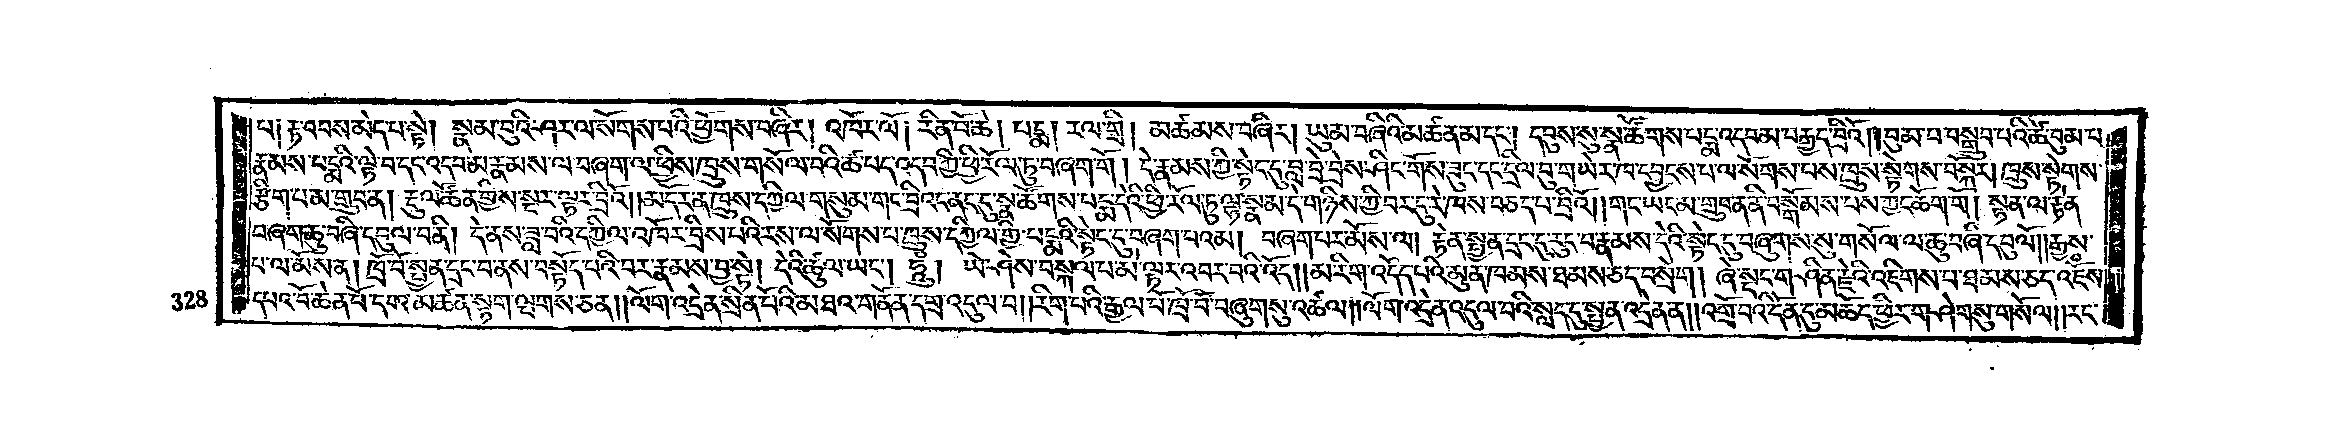པ། རྟ་བབས་མེད་པ་སྟེ། སྣམ་བུའི་ཤར་ལ་སོགས་པའི་ཕྱོགས་བཞིར། འཁོར་ལོ། རིན་པོ་ཆེ། པདམ། རལ་གྲི། མཚམས་བཞིར། ཡུམ་བཞིའི་མཚན་མ་དང་། དབུས་སུ་སྣ་ཚོགས་པདམ་འདབ་མ་བརྒྱད་བྲིའོ། །བུམ་པ་བསྒྲུབ་པའི་ཚེ་བུམ་པ་
རྣམས་པདམའི་ལྟེ་བ་དང་འདབ་མ་རྣམས་ལ་བཞག་ལ་ཕྱིས་ཁྲུས་གསོལ་བའི་ཚེ་པད་འདབ་ཀྱི་ཕྱི་རོལ་ཏུ་བཞག་གོ །དེ་རྣམས་ཀྱི་སྟེང་དུ་བླ་བྲེ་བྲེས་ཤིང་གོས་ཟུང་དང་དྲིལ་བུ་གཡེར་ཁ་དཔྱངས་པ་ལ་སོགས་པས་ཁྲུས་སྟེགས་བསྐོར། ཁྲུས་སྟེགས་
རྩིག་པ་མ་གྲུབ་ན། རྔུལ་ཚོན་གྱིས་སྔར་ལྟར་བྲིའོ། །མདོར་ན་ཁྲུས་དཀྱིལ་གསུམ་གང་བྲིའང་ནང་དུ་སྣ་ཚོགས་པདམ་དེའི་ཕྱི་རོལ་ཏུ་ལྷ་སྣམ་དེ་གཉིས་ཀྱི་བར་དུ་རེ་ཁས་བཅད་པ་བྲིའོ། །གང་ཡང་མ་གྲུབ་ན་ནི་བསྒོམས་པས་ཀྱང་ཆོག་གོ །སྟན་ལ་རྟེན་
བཞག་ཆུ་བཞི་དབུལ་བ་ནི། དེ་ནས་ཟླ་བའི་དཀྱིལ་འཁོར་བྲིས་པའི་རས་ལ་སོགས་པ་ཁྲུས་དཀྱིལ་གྱི་པདམའི་སྟེང་དུ་བཞག་པའམ། བཞག་པར་མོས་ལ། རྟེན་སྤྱན་དྲང་དུ་རུང་བ་རྣམས་དེའི་སྟེང་དུ་བཞུགས་སུ་གསོལ་ལ་ཆུ་བཞི་དབུལ་ལོ། །རྒྱས་
པ་ལ་མོས་ན། ཁྲོ་བོ་སྤྱན་དྲང་བ་ནས་བསྟོད་པའི་བར་རྣམས་བྱ་སྟེ། དེའི་ཚུལ་ཡང་། ཧཱུཾ། ཡེ་ཤེས་བསྐལ་པ་མེ་ལྟར་འབར་བའི་འོད། །མ་རིག་འདོད་པའི་མུན་ཁམས་ཐམས་ཅད་བསྲེག །ཞེ་སྡང་གཤིན་རྗེའི་འཇིགས་པ་ཐམས་ཅད་འཇོམས། །
དཔའ་བོ་ཆེན་པོ་དཔའ་མཚན་སྟག་ལྤགས་ཅན། །ལོག་འདྲེན་སྲིན་པོའི་མཐའ་གནོན་དགྲ་འདུལ་བ། །རིག་པའི་རྒྱལ་པོ་ཁྲོ་བོ་བཞུགས་སུ་འཚལ། །ལོག་འདྲེན་འདུལ་བའི་སླད་དུ་སྤྱན་འདྲེན་ན། །འགྲོ་བའི་དོན་དུ་མཆོད་ཕྱིར་གཤེགས་སུ་གསོལ། །རང་